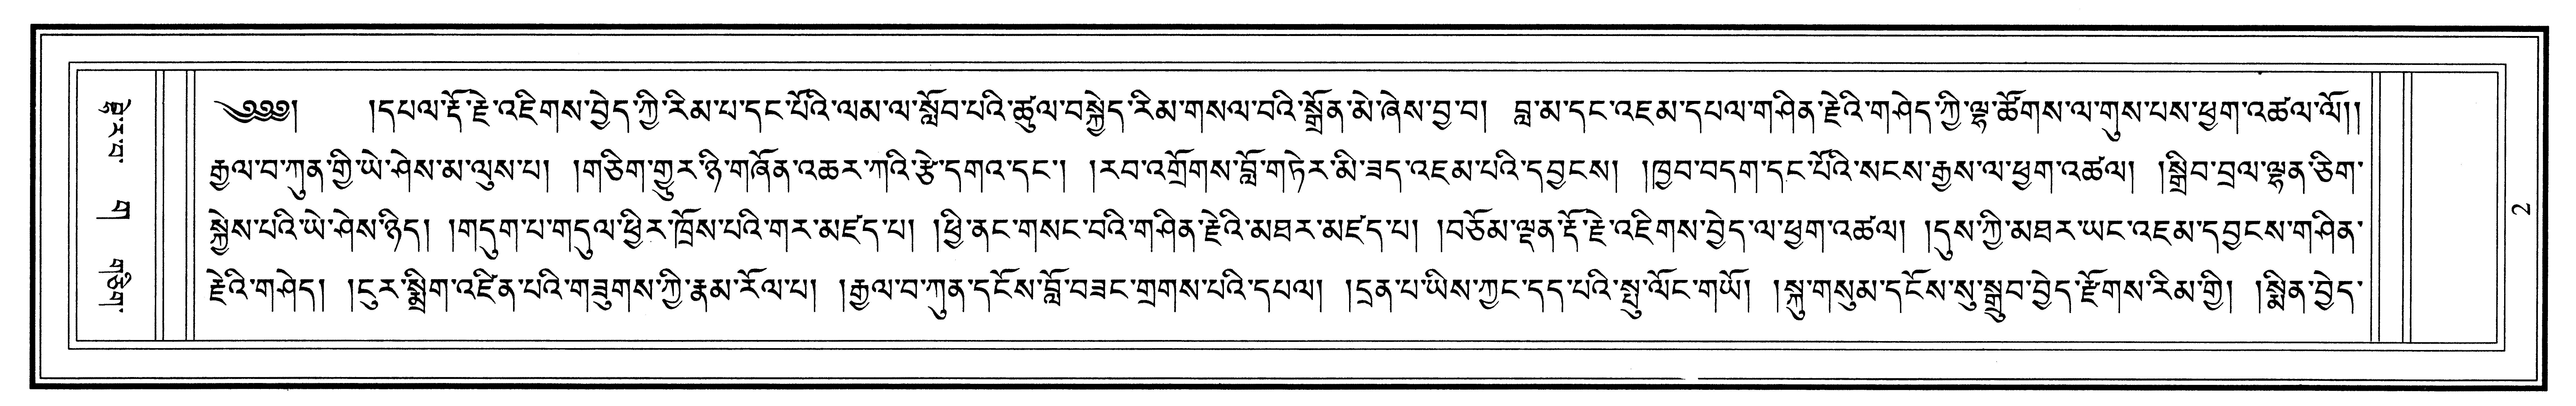༄༅༅། །དཔལ་རྡོ་རྗེ་འཇིགས་བྱེད་ཀྱི་རིམ་པ་དང་པོའི་ལམ་ལ་སློབ་པའི་ཚུལ་བསྐྱེད་རིམ་གསལ་བའི་སྒྲོན་མེ་ཞེས་བྱ་བ། བླ་མ་དང་འཇམ་དཔལ་གཤིན་རྗེའི་གཤེད་ཀྱི་ལྷ་ཚོགས་ལ་གུས་པས་ཕྱག་འཚལ་ལོ།།
རྒྱལ་བ་ཀུན་གྱི་ཡེ་ཤེས་མ་ལུས་པ། །གཅིག་གྱུར་ཉི་གཞོན་འཆར་ཀའི་རྩེ་དགའ་དང་། །རབ་འགྲོགས་བློ་གཏེར་མི་ཟད་འཇམ་པའི་དབྱངས། །ཁྱབ་བདག་དང་པོའི་སངས་རྒྱས་ལ་ཕྱག་འཚལ། །སྒྲིབ་བྲལ་ལྷན་ཅིག་
སྐྱེས་པའི་ཡེ་ཤེས་ཉིད། །གདུག་པ་གདུལ་ཕྱིར་ཁྲོས་པའི་གར་མཛད་པ། །ཕྱི་ནང་གསང་བའི་གཤིན་རྗེའི་མཐར་མཛད་པ། །བཅོམ་ལྡན་རྡོ་རྗེ་འཇིགས་བྱེད་ལ་ཕྱག་འཚལ། །དུས་ཀྱི་མཐར་ཡང་འཇམ་དབྱངས་གཤིན་
རྗེའི་གཤེད། །ངུར་སྨྲིག་འཛིན་པའི་གཟུགས་ཀྱི་རྣམ་རོལ་པ། །རྒྱལ་བ་ཀུན་དངོས་བློ་བཟང་གྲགས་པའི་དཔལ། །དྲན་པ་ཡིས་ཀྱང་དད་པའི་སྤུ་ལོང་གཡོ། །སྐུ་གསུམ་དངོས་སུ་སྒྲུབ་བྱེད་རྫོགས་རིམ་གྱི། །སྨིན་བྱེད་